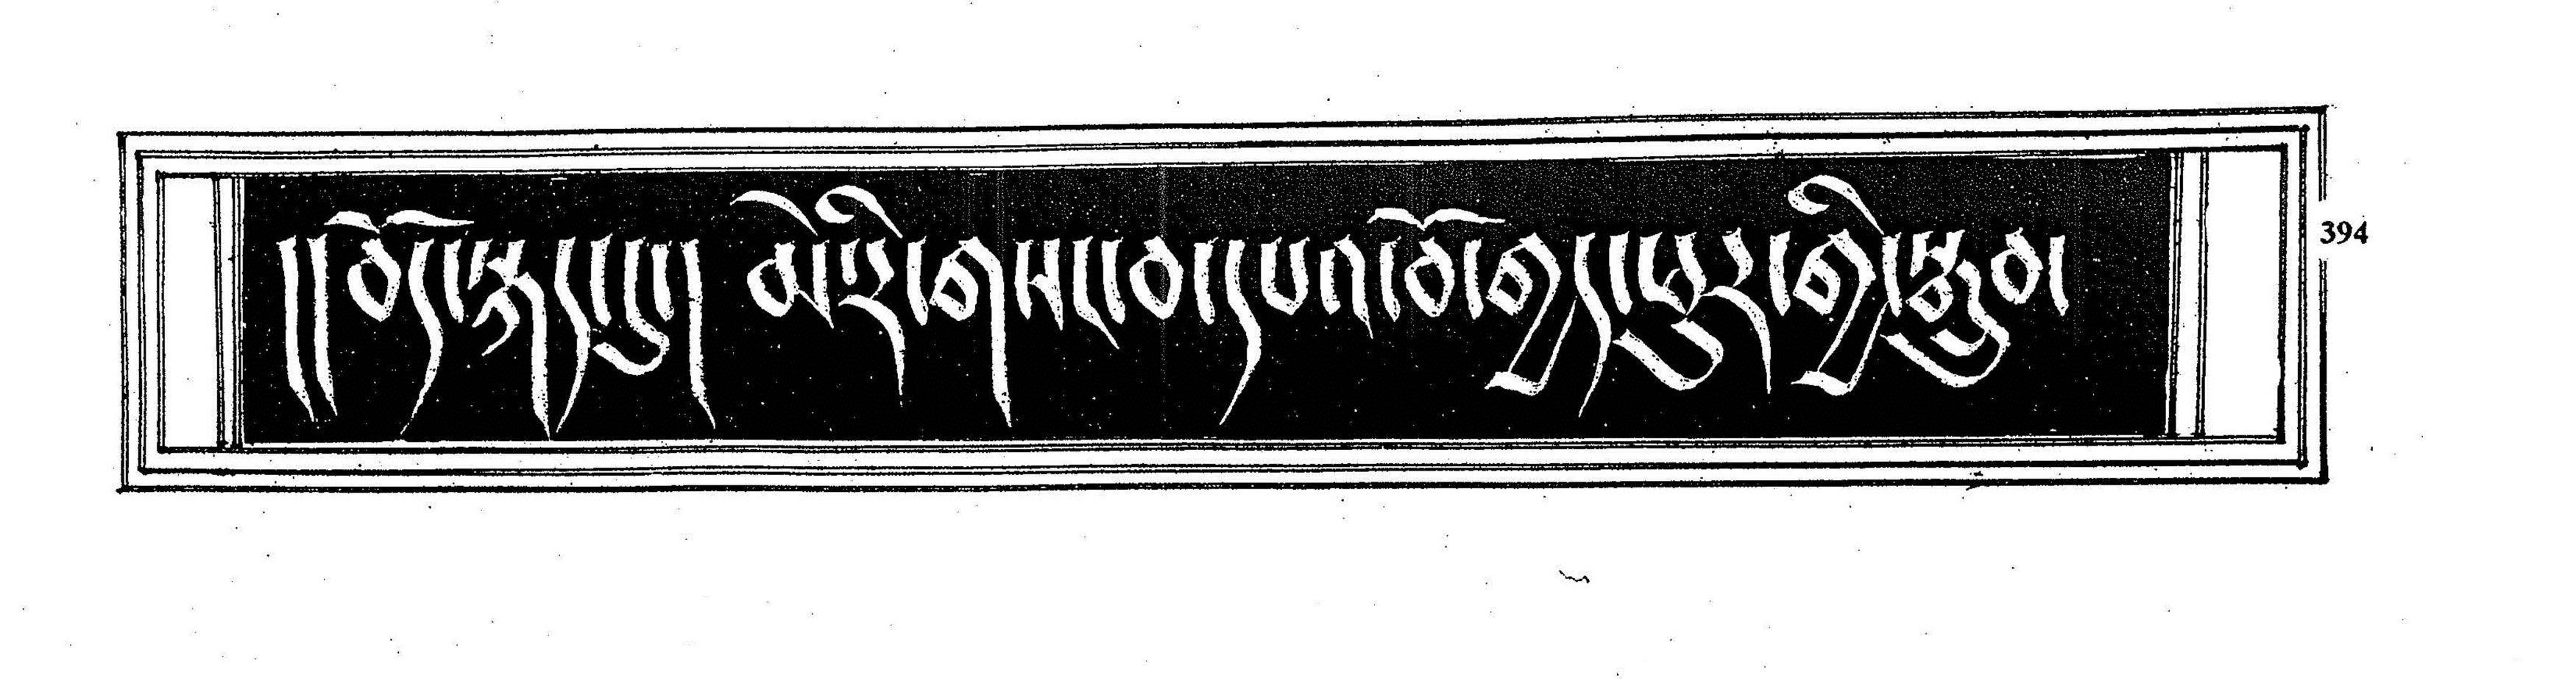བོད་སྐད་དུ། མེ་རི་གསང་བ་དཔའ་བོ་གྱད་ཕུར་གྱི་སྒྲུབ་